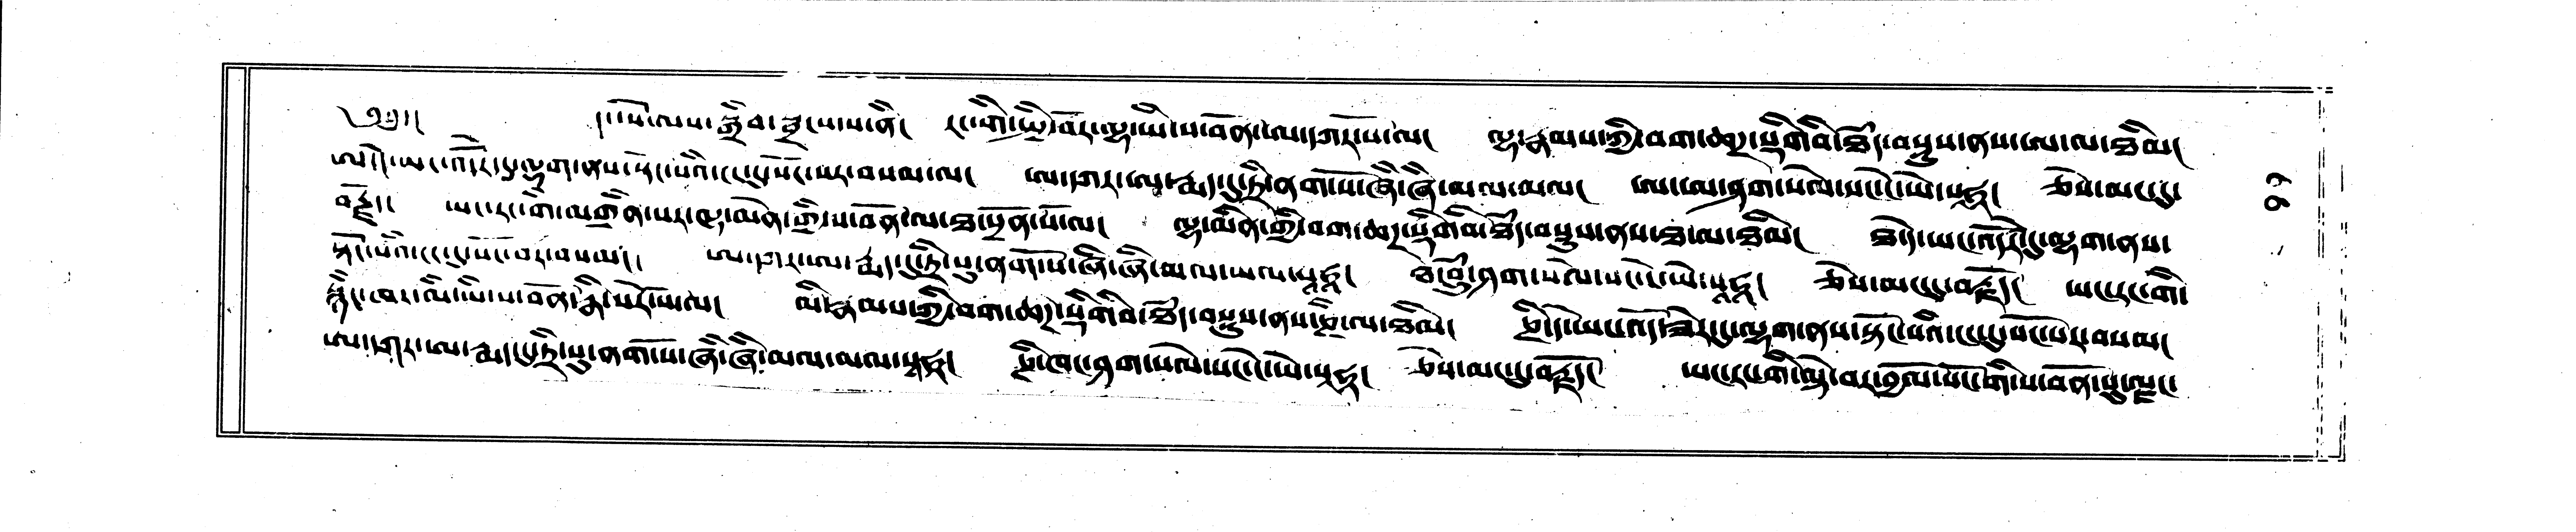དང་པོ་ལས་སྒྲིབ་སྦྱངས་པ་ནི། རང་གི་སྤྱི་བོར་ལྷ་ཡི་ས་བོན་ཨ་དཀར་པོ་ལ། ལྷ་རྣམས་ཀྱི་བག་ཆགས་སྡིག་སྒྲིབ་བསྡུས་ནས་ཨ་ལ་ཐིམ།
 ཨ་དེ་ཡང་འོད་ཟེར་དུ་ལྷག་ནས་སྟོང་པའི་ངང་དུ་སོང་བར་བསམ་ལ། ཨ་དཀར་ཨ་རྨད་དུ་ཏྲི་སུ་ནག་པོ་ཞི་ཞི་མལ་མལ་སྭཱཧཱ། ཨ་ཨ་ཤག་སལེ་སང་ངེ་ཡེ་སྭཱཧཱ། ཅེས་མང་དུ་
བརྗོད། །རང་གི་མགྲིན་པར་ལྷ་མིན་གྱི་ས་བོན་ལ་ཐ་སྔོན་པོ་ལ། ལྷ་མིན་གྱི་བག་ཆགས་སྡིག་སྒྲིབ་ཐམས་ཅད་བསྡུས་ནས་ཐ་ལ་ཐིམ། ཐ་དེ་ཡང་འོད་ཟེར་དུ་ལྷག་ནས་
སྟོང་པའི་ངང་དུ་སོང་བར་བསམ། ཨ་དཀར་ཨ་རྨད་དུ་ཏྲི་སུ་ནག་པོ་ཞི་ཞི་མལ་མལ་སྭཱཧཱ། ཐ་བྲུཾ་ཤག་སལེ་སང་ངེ་ཡེ་སྭཱཧཱ། ཅེས་མང་དུ་བརྗོད། ། ཡང་རང་གི་
སྙིང་ཁར་ལྷ་ཡི་ས་བོན་རྣྲི་སེར་པོ་ལ། མི་རྣམས་ཀྱི་བག་ཆགས་སྡིག་སྒྲིབ་བསྡུས་ནས་རྣྲི་ལ་ཐིམ། རྣྲི་དེ་ཡང་འོད་ཟེར་དུ་ལྷག་ནས་སྟོང་པའི་ངང་དུ་སོང་བར་བསམ་ལ། 
ཨ་དཀར་ཨ་རྨད་དུ་ཏྲི་སུ་ནག་པོ་ཞི་ཞི་མལ་མལ་སྭཱཧཱ། རྣྲི་ཁཾ་ཤག་སལེ་སང་ངེ་ཡེ་སྭཱཧཱ། ཅེས་མང་དུ་བརྗོད། །ཡང་རང་གི་ལྟེ་བར་བྱོལ་སོང་གི་ས་བོན་སུ་ལྗང་